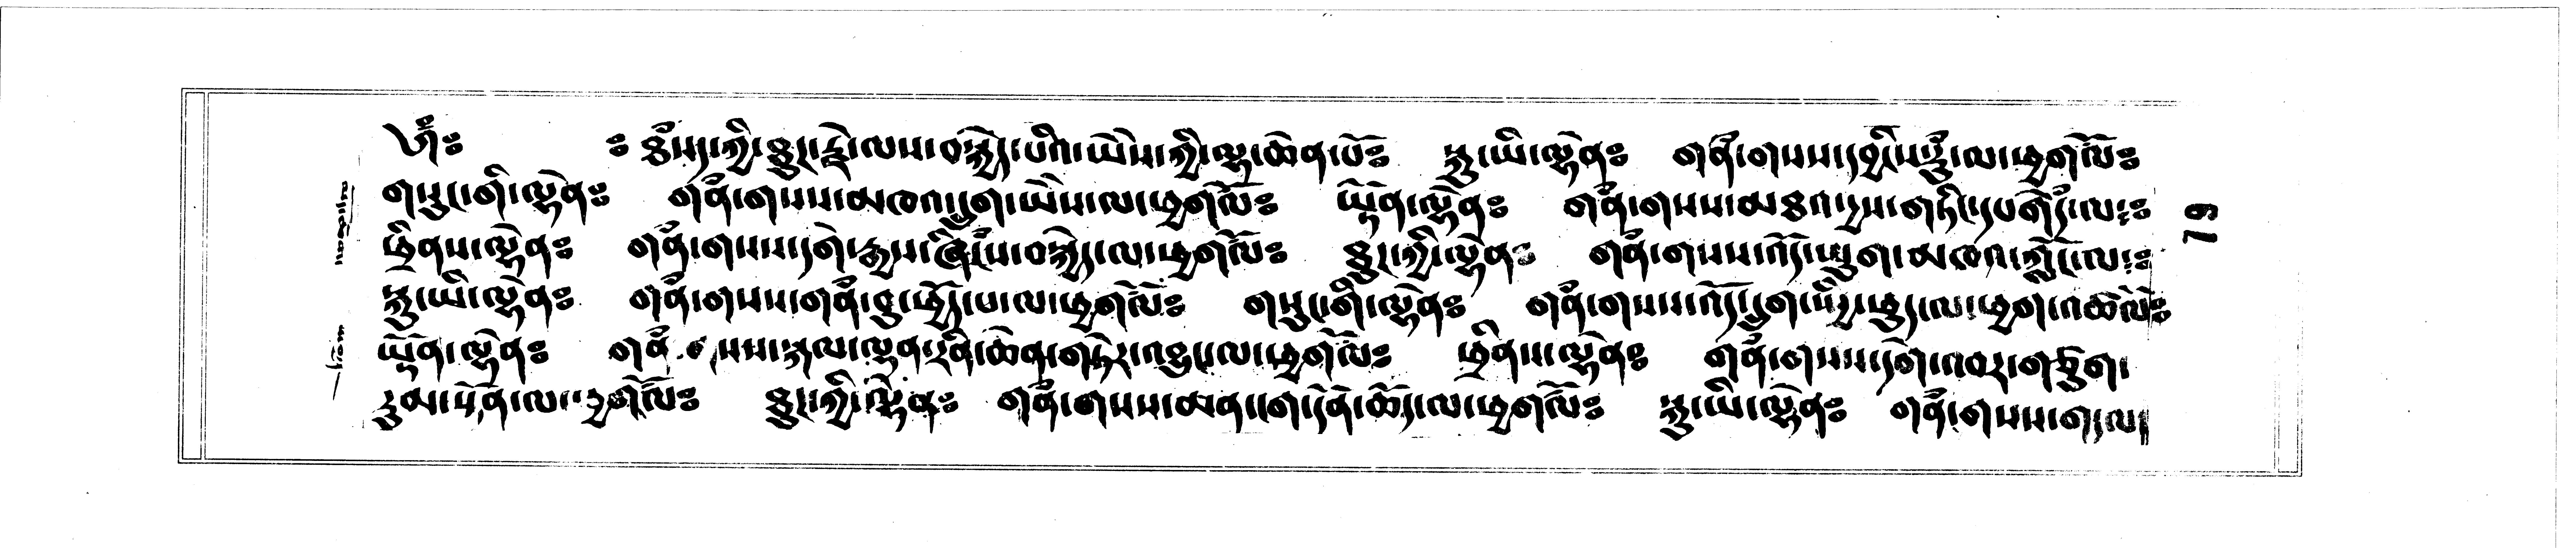ཐམས་ཅད་ཀྱི་ཐུགས་རྗེ་ལས་བསྐྱེད་པའི་ཡེ་ཤེས་ཀྱི་ལྷ་ཆེན་པོཿ སྐུ་ཡི་ལྷ་ཆེནཿ གནམ་གསས་དབྱིངས་རུམ་ལ་ཕྱག་འཚལ་ལོཿ 
གསུང་གི་ལྷ་ཆེནཿ གནམ་གསས་མཁའ་དྲུག་ཡེ་ཤེས་ལ་ཕྱག་འཚལ་ལོཿ ཡོན་ཏན་གྱི་ལྷ་ཆེནཿ གནམ་གསས་མཐའ་རྒྱས་གཏིང་དཔག་མེད་ལ་ཕྱག་འཚལ་ལོཿ 
ཕྲིན་ལས་ཀྱི་ལྷ་ཆེནཿ གནམ་གསས་དགེ་རྒྱས་ཞིང་ཁམས་བསྐྱེད་ལ་ཕྱག་འཚལ་ལོཿ ཐུགས་ཀྱི་ལྷ་ཆེནཿ གནམ་གསས་འོད་ཡུག་མཁའ་ཀློང་ལ་ཕྱག་འཚལ་ལོཿ 
སྐུ་ཡི་ལྷ་ཆེནཿ གནམ་གསས་གནམ་བུ་ཕྱོད་པ་ལ་ཕྱག་འཚལ་ལོཿ གསུང་གི་ལྷ་ཆེནཿ གནམ་གསས་འོད་དྲུག་སྤྱི་ཕུད་ལ་ཕྱག་འཚལ་ལོཿ 
ཡོན་ཏན་གྱི་ལྷ་ཆེནཿ གནམ་གསས་སྐལ་ལྡན་རིན་ཆེན་གཏེར་འབྱུང་ལ་ཕྱག་འཚལ་ལོཿ ཕྲིན་ལས་ཀྱི་ལྷ་ཆེནཿ གནམ་གསས་དགེ་འབར་གཙུག་
རུམ་སྟོན་ལ་ཕྱག་འཚལ་ལོཿ ཐུགས་ཀྱི་ལྷ་ཆེནཿ གནམ་གསས་མན་ངག་དོན་ཆོད་ལ་ཕྱག་འཚལ་ལོཿ སྐུ་ཡི་ལྷ་ཆེནཿ གནམ་གསས་བདལ་